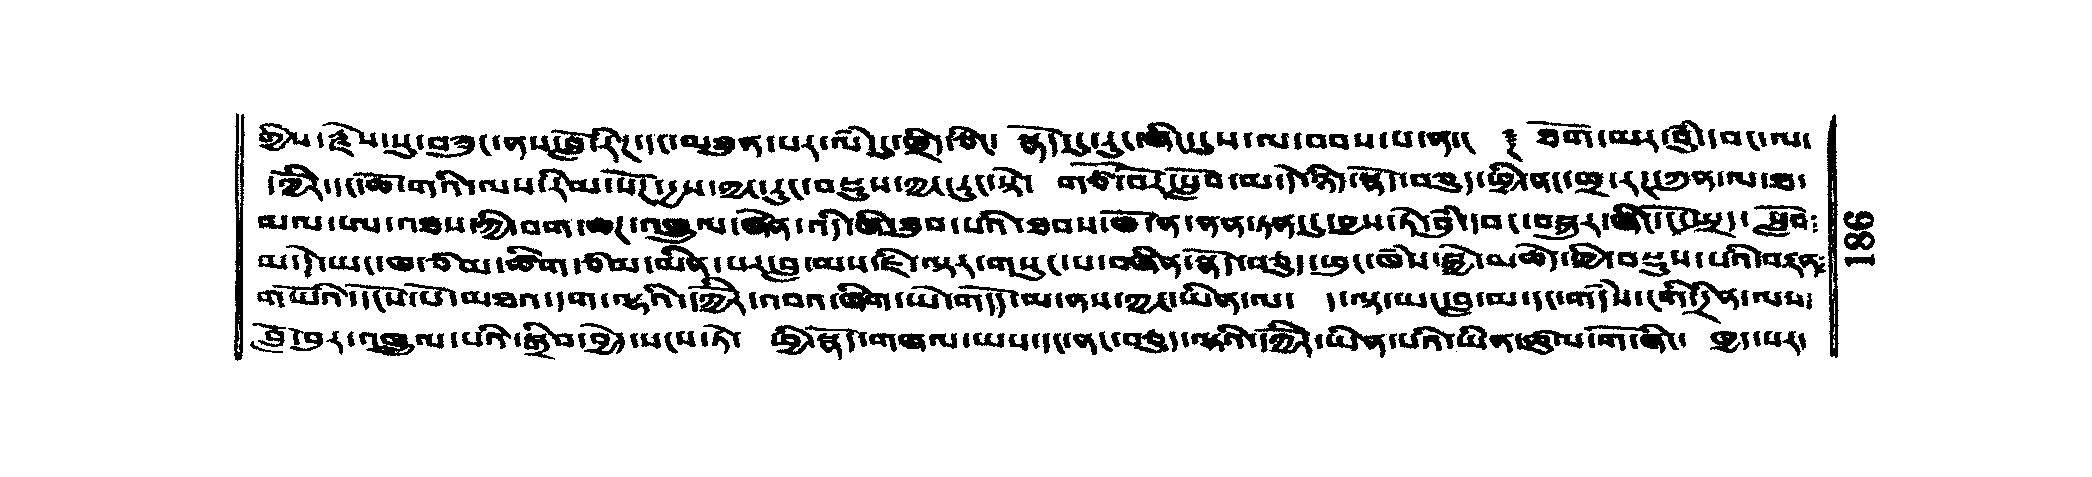གྱིས་རྗེས་སུ་བཟུང་ནས་བློ་རིགས་དང་མཐུན་པར་ལམ་དུ་ཁྲིད་ཅིང་། སྣོད་དུ་རུང་ཞིང་དུས་ལ་བབས་པ་ན། ཐོག་མར་བུམ་དབང་ལ་
དཀྱིལ་འཁོར་དང་ཆོ་གའི་ལས་རིམ་སོགས་རྒྱས་ཀྱང་རུང་བསྡུས་ཀྱང་རུང་སྟེ། གཙོ་བོར་སློབ་མ་དེ་ཉིད་སྣོད་བཅུད་ཕྱི་ནང་ཕྲ་རགས་ཀུན་ལ་ཐ་
མལ་ཨ་འཐས་ཀྱི་བག་ཆགས་འཁྲུལ་ཞེན་འདི་ཞི་ཐུབ་པའི་ཐབས་ཁོ་ན་ནན་ཏན་དུ་བྱས་ཏེ་བུམ་དབང་བསྐུར་ཞིང་ངོ་སྤྲད། སློབ་
མ་དེ་ཡང་ཁ་ཙམ་ཚིག་ཙམ་མིན་པར་བླ་མས་ཇི་ལྟར་གསུངས་པ་བཞིན་སྣོད་བཅུད་ཕུང་ཁམས་སྐྱེ་མཆེད་ཀྱི་བསྡུས་པའི་བརྟན་
གཡོའི་དངོས་པོ་མཐའ་དག་ལྷའི་དཀྱིལ་འཁོར་འབའ་ཞིག་ཡེ་གདོད་མ་ནས་ཀྱང་ཡིན་ལ། ད་ལྟ་ཡང་བླ་མ་དང་གདམས་ངག་གི་དྲིན་ལས་
བློ་བུར་འཁྲུལ་པའི་སྒྲིབ་བྱེད་སངས་ཏེ། ཕྱི་སྣོད་གཞལ་ཡས་དང་ནང་བཅུད་ལྷའི་དཀྱིལ་འཁོར་ཡིན་པའི་ཡིན་ཚུལ་གོ་ཞིང་། ཁྱད་པར་